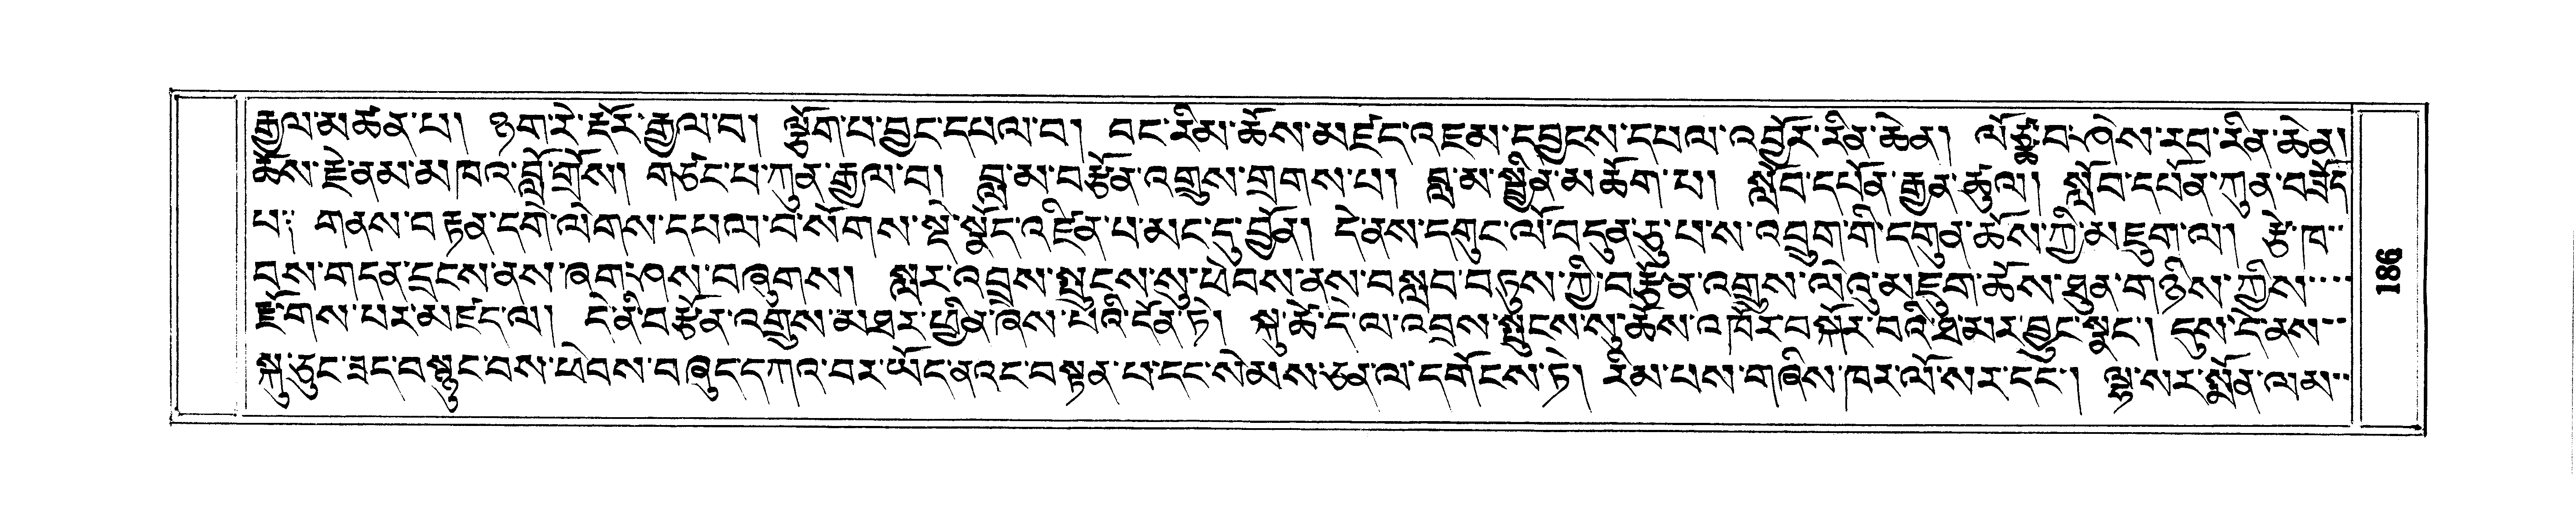རྒྱལ་མཚན་པ། ཉག་རེ་རྡོར་རྒྱལ་བ། ལྕོག་པ་བྱང་དཔལ་བ། བང་རིམ་ཆོས་མཛད་འཇམ་དབྱངས་དཔལ་འབྱོར་རིན་ཆེན། ལོཙྪ་བ་ཤེས་རབ་རིན་ཆེན།
ཆོས་རྗེ་ནམ་མཁའ་བློ་གྲོས། གཙང་པ་ཀུན་རྒྱལ་བ། བླ་མ་བརྩོན་འགྲུས་གྲགས་པ། བླ་མ་སྦྱིན་མཆོག་པ། སློབ་དཔོན་རྒྱན་ཚུལ། སློབ་དཔོན་ཀུན་བཟོད་
པ༑ གནས་བརྟན་དགེ་ལེགས་དཔལ་བ་སོགས་སྡེ་སྣོད་འཛིན་པ་མང་དུ་བྱོན། དེ་ནས་དགུང་ལོ་བདུན་ཅུ་པ་ས་འབྲུག་གི་དགུན་ཆོས་ཀྱི་མཇུག་ལ། རྩེ་ཁ་
བས་གདན་དྲངས་ནས་ཞག་ཤས་བཞུགས། སླར་འབྲས་སྤུངས་སུ་ཕེབས་ནས་བསླབ་བཏུས་ཀྱི་བརྩོན་འགྲུས་ལེའུ་མཇུག་ཆོས་ཐུན་གཉིས་ཀྱིས་
རྫོགས་པར་མཛད་ལ། དེ་ནི་བརྩོན་འགྲུས་མཐར་ཕྱིན་ཞེས་པའི་དོན་ཏེ། སྐུ་ཚེ་དེ་ལ་འབྲས་སྤུངས་སུ་ཆོས་འཁོར་བསྐོར་བའི་ཐ་མར་བྱུང་སྣང་། དུས་དེ་ནས་
སྐུ་ཅུང་ཟད་བསྙུང་བས་ཕེབས་བཞུད་དཀའ་བར་ཡོད་ནའང་བསྟན་པ་དང་སེམས་ཅན་ལ་དགོངས་ཏེ། རིམ་པས་གཞིས་ཁར་ལོ་སར་དང་། ལྷ་སར་སྨོན་ལམ་